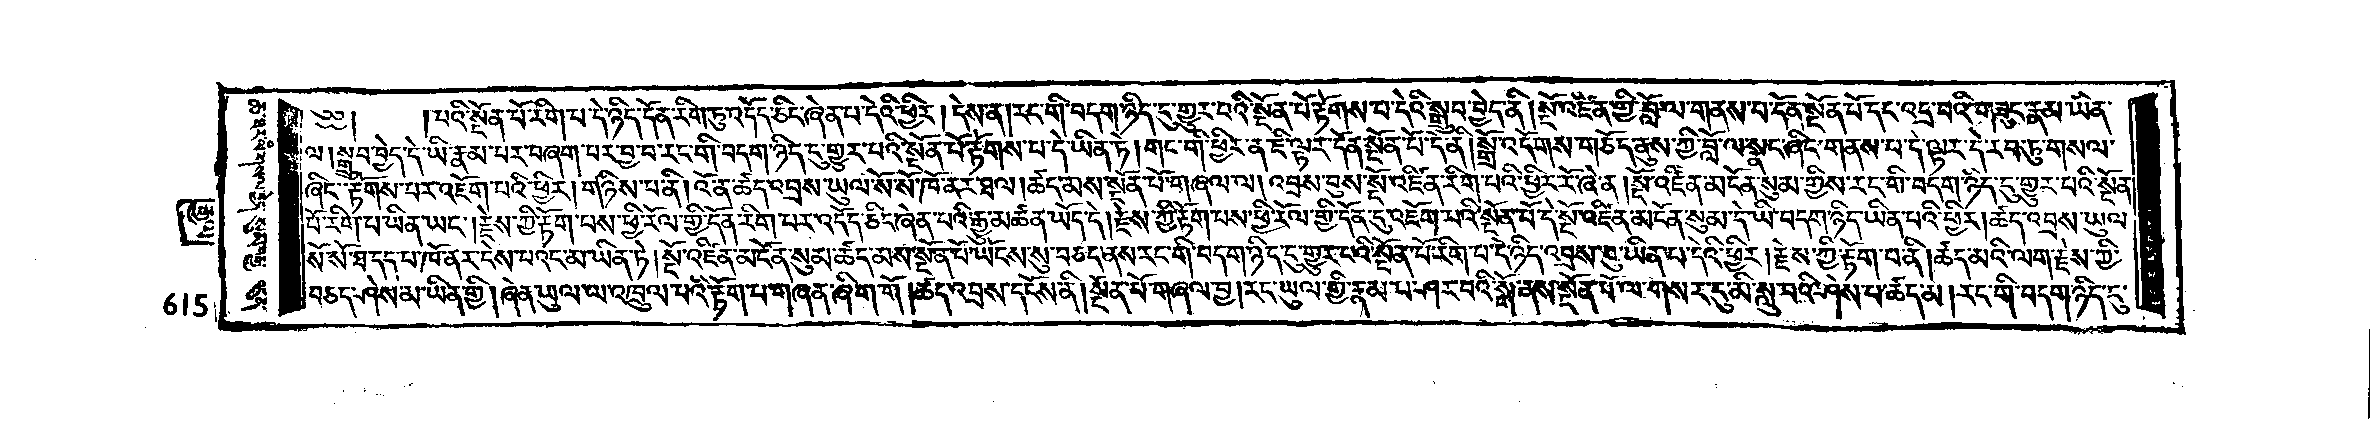༄༅། །པའི་སྔོན་པོ་རིག་པ་དེ་ཉིད་དོན་རིག་ཏུ་འདོད་ཅིང་ཞེན་པ་དེའི་ཕྱིར། དེས་ན། རང་གི་བདག་ཉིད་དུ་གྱུར་པའི་སྔོན་པོ་རྟོགས་པ་དེའི་སྒྲུབ་བྱེད་ནི། སྔོ་འཛིན་གྱི་བློ་ལ་གནས་པ་དོན་སྔོན་པོ་དང་འདྲ་བའི་གཟུང་རྣམ་ཡིན་
ལ། སྒྲུབ་བྱེད་དེ་ཡི་རྣམ་པར་བཞག་པར་བྱ་བ་རང་གི་བདག་ཉིད་དུ་གྱུར་པའི་སྔོན་པོ་རྟོགས་པ་དེ་ཡིན་ཏེ། གང་གི་ཕྱིར་ན་ཇི་ལྟར་དོན་སྔོན་པོ་དེ་ནི། སྒྲོ་འདོགས་གཅོད་ནུས་ཀྱི་བློ་ལ་སྣང་ཞིང་གནས་པ་དེ་ལྟར་དེ་རབ་ཏུ་གསལ་
ཞིང་རྟོགས་པར་འཇོག་པའི་ཕྱིར། གཉིས་པ་ནི། འོ་ན་ཚད་འབྲས་ཡུལ་སོ་སོ་ཁོ་ནར་ཐལ། ཚད་མས་སྔོན་པོ་གཞལ་ལ། འབྲས་བུས་སྔོ་འཛིན་རིག་པའི་ཕྱིར་རོ་ཞེ་ན། སྔོ་འཛིན་མངོན་སུམ་གྱིས་རང་གི་བདག་ཉིད་དུ་གྱུར་པའི་སྔོན་
པོ་རིག་པ་ཡིན་ཡང་། རྗེས་ཀྱི་རྟོག་པས་ཕྱི་རོལ་གྱི་དོན་རིག་པར་འདོད་ཅིང་ཞེན་པའི་རྒྱུ་མཚན་ཡོད་དེ། རྗེས་ཀྱི་རྟོག་པས་ཕྱི་རོལ་གྱི་དོན་དུ་འཇོག་པའི་སྔོན་པོ་དེ་སྔོ་འཛིན་མངོན་སུམ་དེ་ཡི་བདག་ཉིད་ཡིན་པའི་ཕྱིར། ཚད་འབྲས་ཡུལ་
སོ་སོ་ཐ་དད་པ་ཁོ་ནར་ངེས་པའང་མ་ཡིན་ཏེ། སྔོ་འཛིན་མངོན་སུམ་ཚད་མས་སྔོན་པོ་ཡོངས་སུ་བཅད་ནས་རང་གི་བདག་ཉིད་དུ་གྱུར་པའི་སྔོན་པོ་རིག་པ་དེ་ཉིད་འབྲས་བུ་ཡིན་པ་དེའི་ཕྱིར། རྗེས་ཀྱི་རྟོག་པ་ནི། ཚད་མའི་ལག་རྗེས་ཀྱི་
བཅད་ཤེས་མ་ཡིན་གྱི། ཞེན་ཡུལ་ལ་འཁྲུལ་པའི་རྟོག་པ་གཞན་ཞིག་གོ །ཚད་འབྲས་དངོས་ནི། སྔོན་པོ་གཞལ་བྱ། རང་ཡུལ་གྱི་རྣམ་པ་ཤར་བའི་སྒོ་ནས་སྔོན་པོ་ལ་གསར་དུ་མི་སླུ་བའི་ཤེས་པ་ཚད་མ། རང་གི་བདག་ཉིད་དུ་